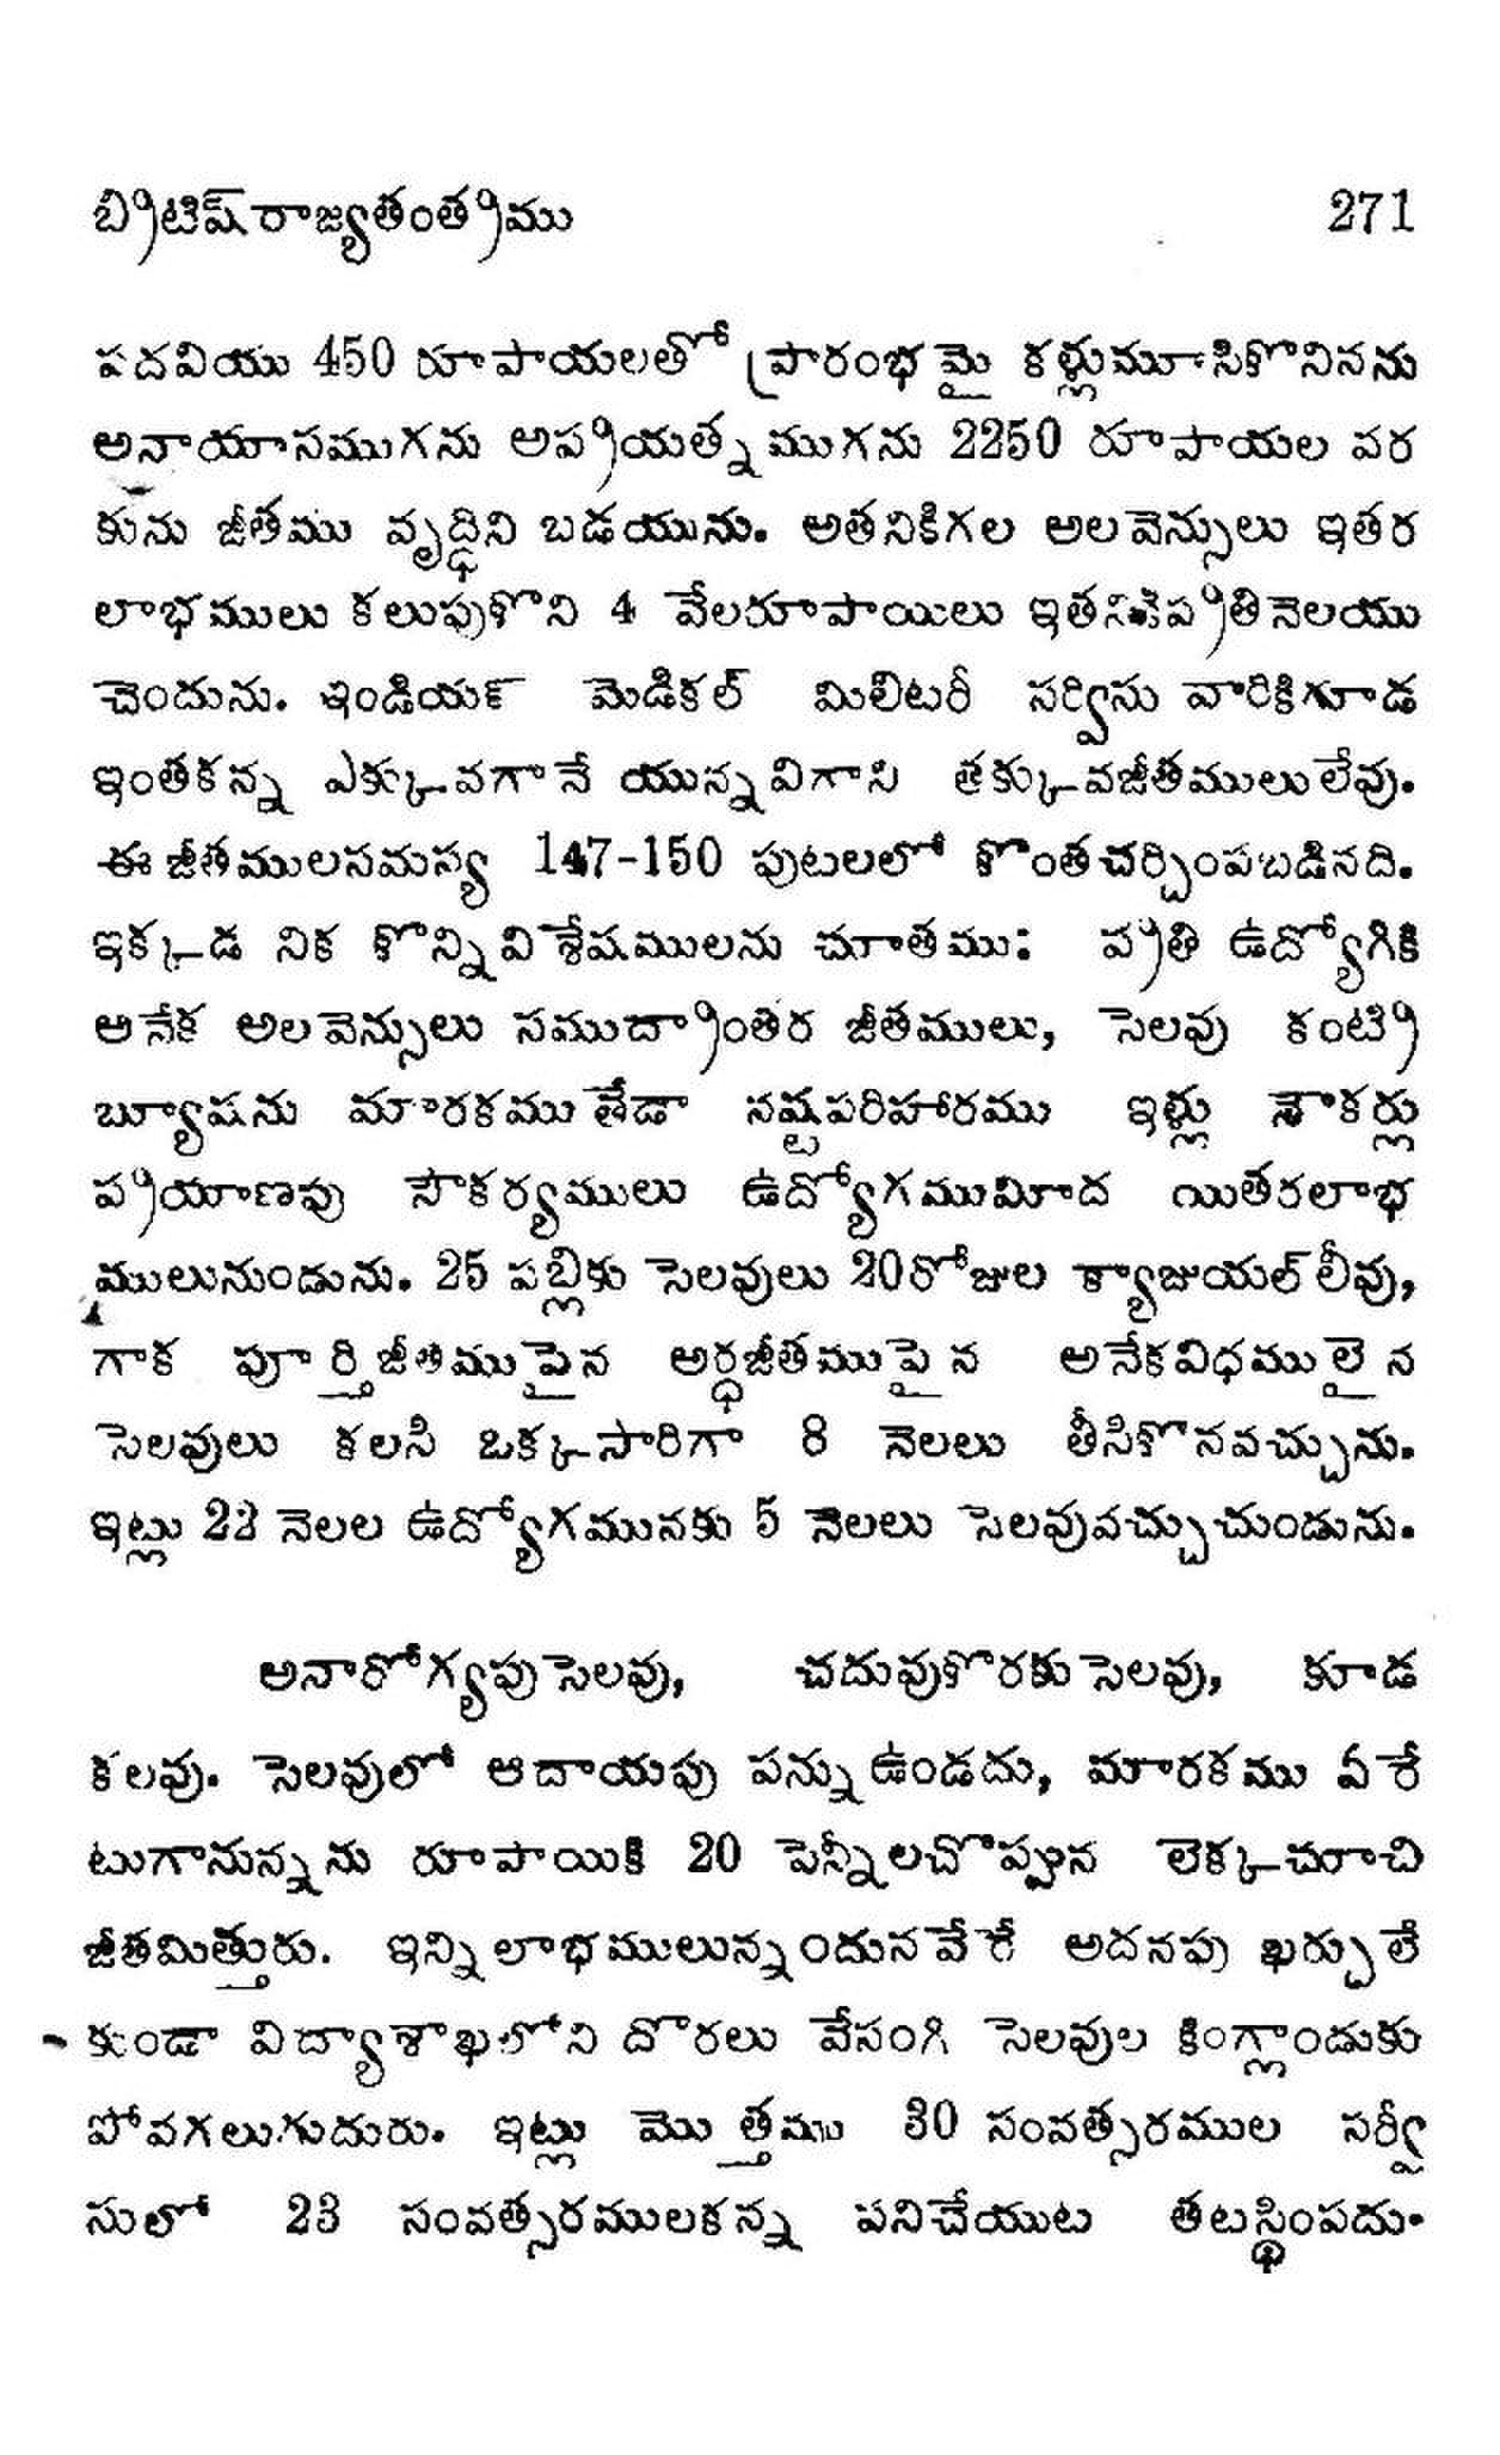పదవియు 450 రూపాయలతో ప్రారంభమై కళ్లుమూసికొనినను అనాయాసముగను అప్రయత్నముగను 2250 రూపాయల వరకును జీతము వృద్ధిని బడయును. అతనికిగల అలవెన్సులు ఇతర లాభములు కలుపుకొని 4 వేలరూపాయిలు ఇతనితిప్రతినెలయు చెందును. ఇండియ౯ మెడికల్ మిలిటరీ సర్వీసు వారికిగూడ ఇంతకన్న ఎక్కువగానే యున్నవిగాని తక్కువజీతములులేవు. ఈ జీతములసమస్య 147-150 పుటలలో కొంతచర్చింపబడినది. ఇక్కడ నిక కొన్నివిశేషములను చూతము: ప్రతి ఉద్యోగికి అనేక అలవెన్సులు సముద్రాంతర జీతములు, సెలవు కంట్రిబ్యూషను మారకముతేడా నష్టపరిహారము ఇళ్లు నౌకర్లు ప్రయాణపు సౌకర్యములు ఉద్యోగముమీద యితరలాభములునుండును. 25 పబ్లికు సెలవులు 20రోజుల క్యాజుయల్ లీవు, గాక పూర్తిజీతముపైన అర్ధజీతముపైన అనేకవిధములైన సెలవులు కలసి ఒక్కసారిగా 8 నెలలు తీసికొనవచ్చును. ఇట్లు 22 నెలల ఉద్యోగమునకు 5 నెలలు సెలవువచ్చుచుండును.

అనారోగ్యపుసెలవు, చదువుకొరకుసెలవు, కూడ కలవు. సెలవులో ఆదాయపు పన్ను ఉండదు, మారకము ఏరేటుగానున్నను రూపాయికి 20 పెన్నీలచొప్పున లెక్కచూచి జీతమిత్తురు. ఇన్ని లాభములున్నందునవేరే అదనపు ఖర్చులేకుండా విద్యాశాఖలోని దొరలు వేసంగి సెలవుల కింగ్లాండుకు పోవగలుగుదురు. ఇట్లు మొత్తము 30 సంవత్సరముల సర్వీసులో 23 సంవత్సరములకన్న పనిచేయుట తటస్థింపదు.